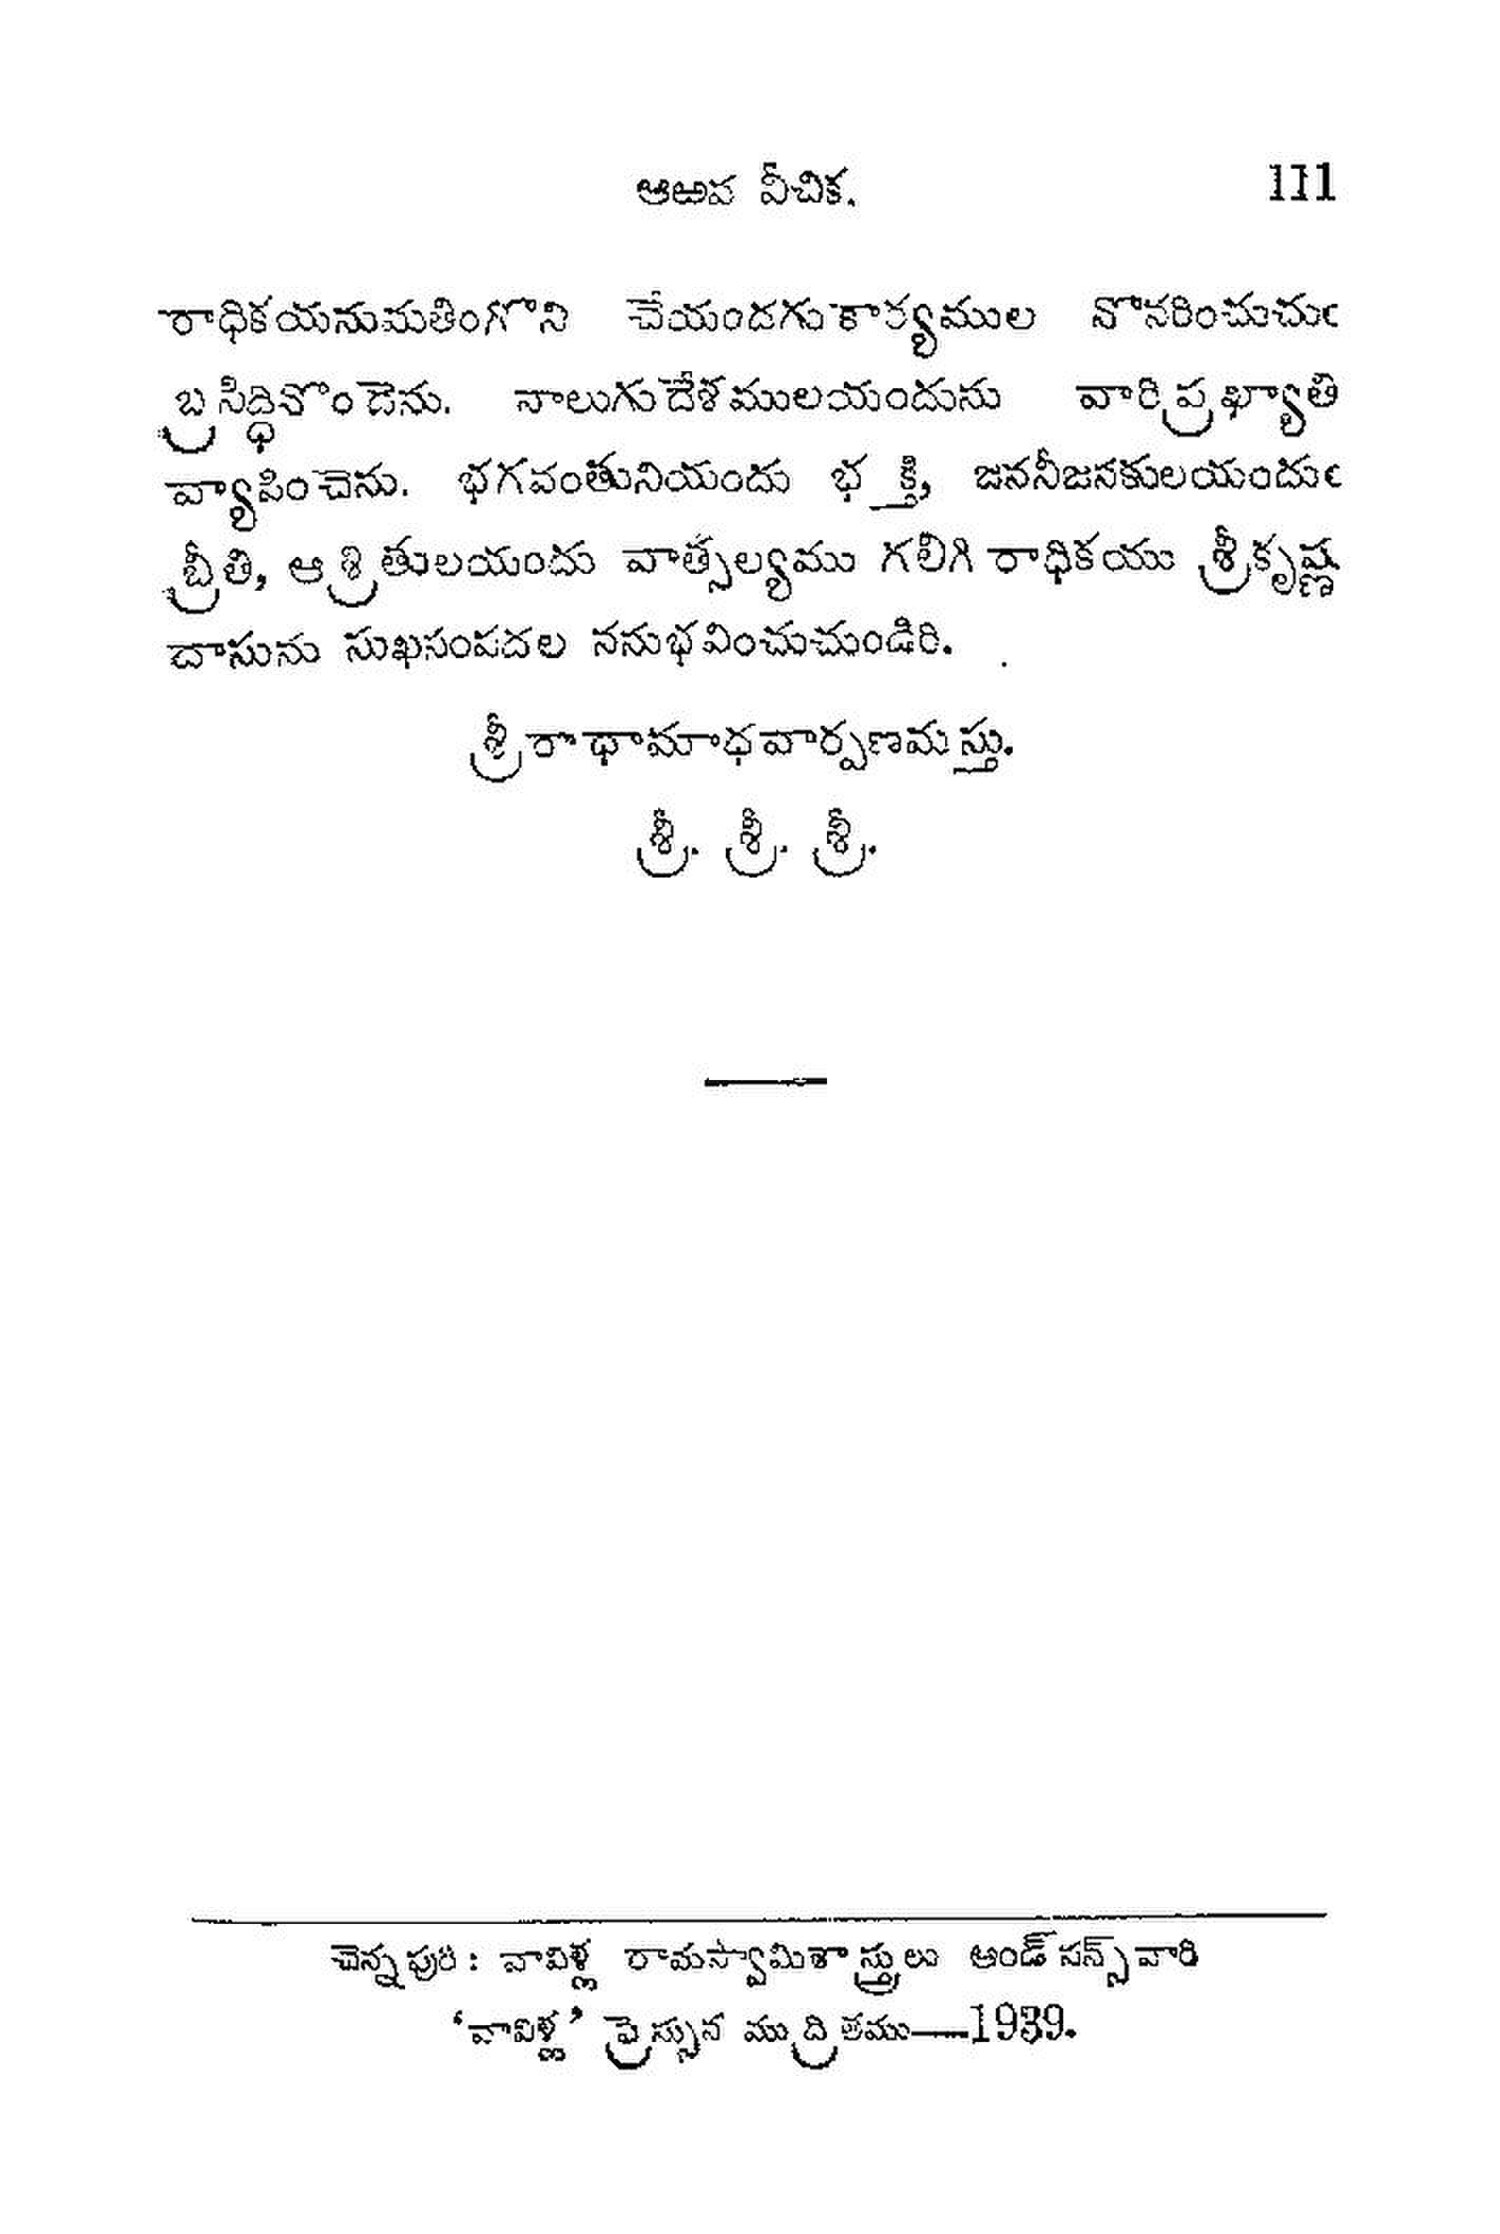రాధిక యనుమతింగొని చేయందగు కార్యముల నొనరించుచుఁ బ్రసిద్ధినొందెను. నాలుగు దేశములయందును వారి ప్రఖ్యాతి వ్యాపించెను. భగవంతునియందు భక్తి, జననీజనకులయందుఁ బ్రీతి, ఆశ్రితులయందు వాత్సల్యము గలిగి రాధికయు శ్రీకృష్ణ దాసును సుఖసంపదల ననుభవించుచుండిరి.